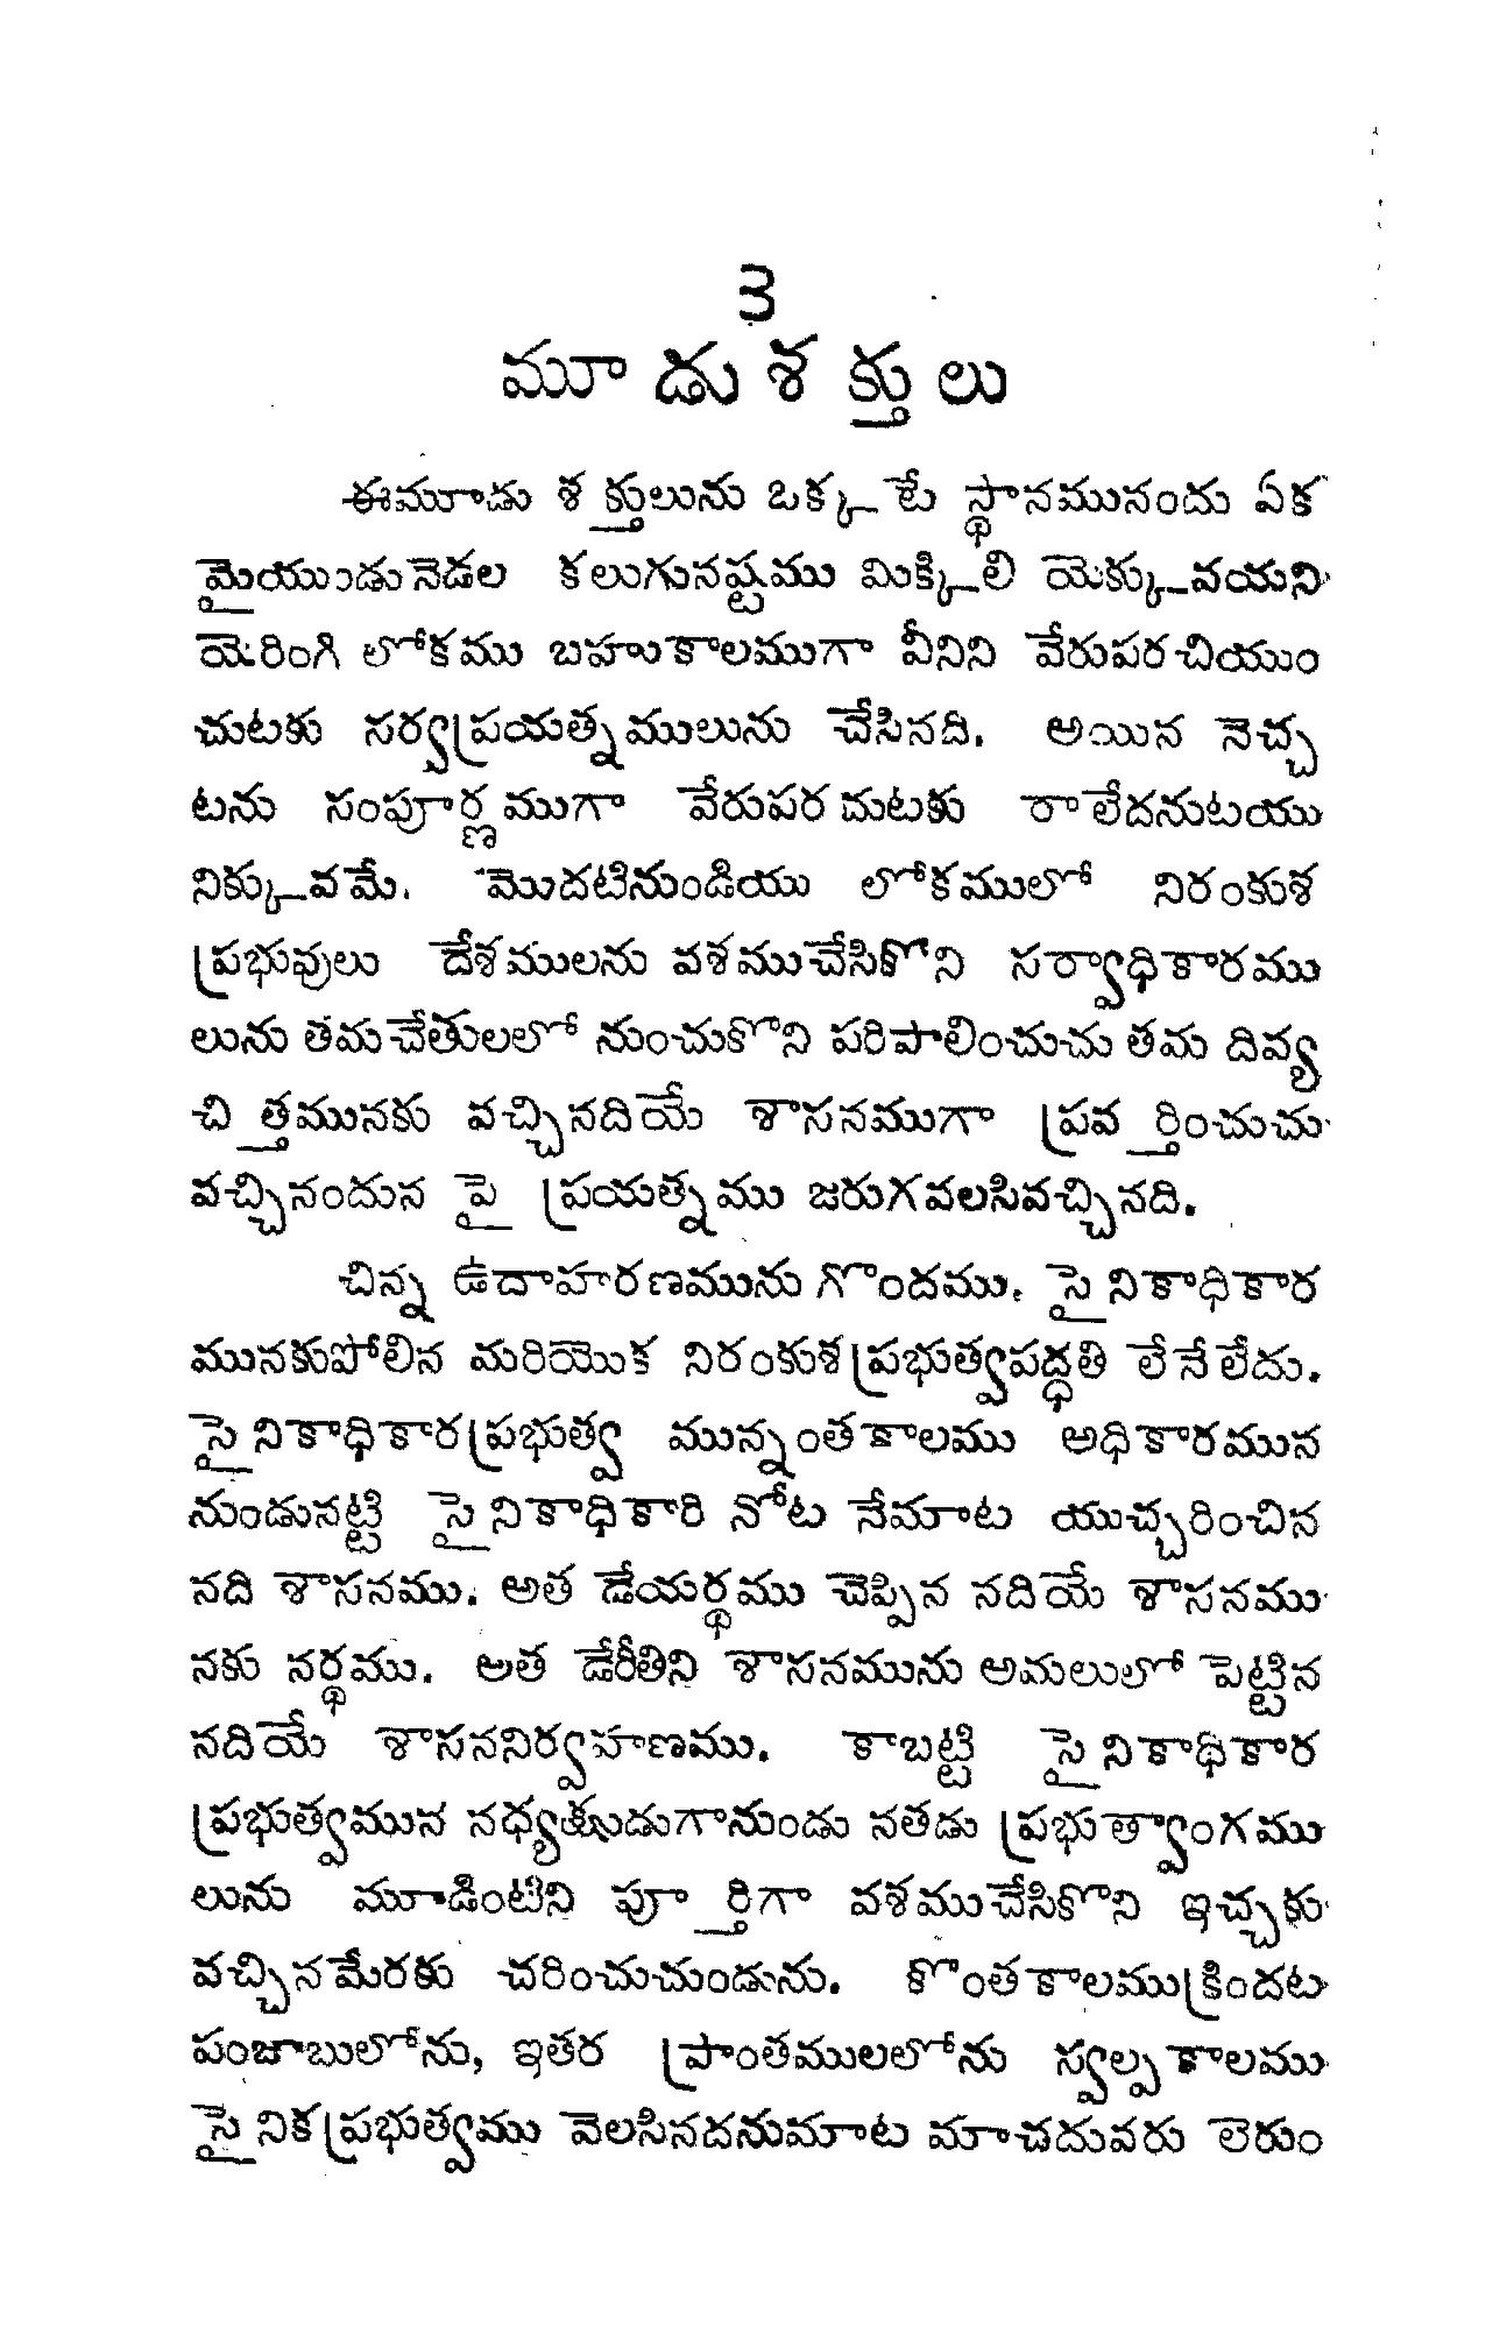3
మూడు శక్తులు

ఈమూడు శక్తులును ఒక్కటే స్థానమునందు ఏకమైయుండునెడల కలుగునష్టము మిక్కిలి యెక్కువయని యెరింగి లోకము బహుకాలముగా వీనిని వేరుపరచియుంచుటకు సర్వ ప్రయత్నములును చేసినది. అయిన నెచ్చటను సంపూర్ణముగా వేరుపరచుటకు రాలేదనుటయు
నిక్కువమే. మొదటినుండియు లోకములో నిరంకుశ ప్రభువులు దేశములను వశముచేసికొని సర్వాధికారములును తమచేతులలో నుంచుకొని పరిపాలించుచు తమ దివ్య చిత్తమునకు వచ్చినదియే శాసనముగా ప్రవర్తించుచు వచ్చినందున పై ప్రయత్నము జరుగవలసివచ్చినది.

చిన్న ఉదాహరణమును గొందము. సైనికాధికారమునకుపోలిన మరియొక నిరంకుశప్రభుత్వపద్ధతి లేనేలేదు. సైనికాధికారప్రభుత్వ మున్నంతకాలము అధికారమున నుండునట్టి సైనికాధికారి నోట నేమాట యుచ్చరించిన నది శాసనము. అత డేయర్థము చెప్పిన నదియే శాసనమునకు నర్థము. అత డేరీతిని శాసనమును అమలులో పెట్టిన నదియే శాసననిర్వహణము. కాబట్టి సైనికాధికార
ప్రభుత్వమున నధ్యక్షుడుగానుండు నతడు ప్రభుత్వాంగములును మూడింటిని పూర్తిగా వశముచేసికొని ఇచ్చకు వచ్చినమేరకు చరించుచుండును. కొంతకాలముక్రిందట పంజాబులోను, ఇతర ప్రాంతములలోను స్వల్ప కాలము సైనికప్రభుత్వము వెలసినదనుమాట మాచదువరు లెరుం